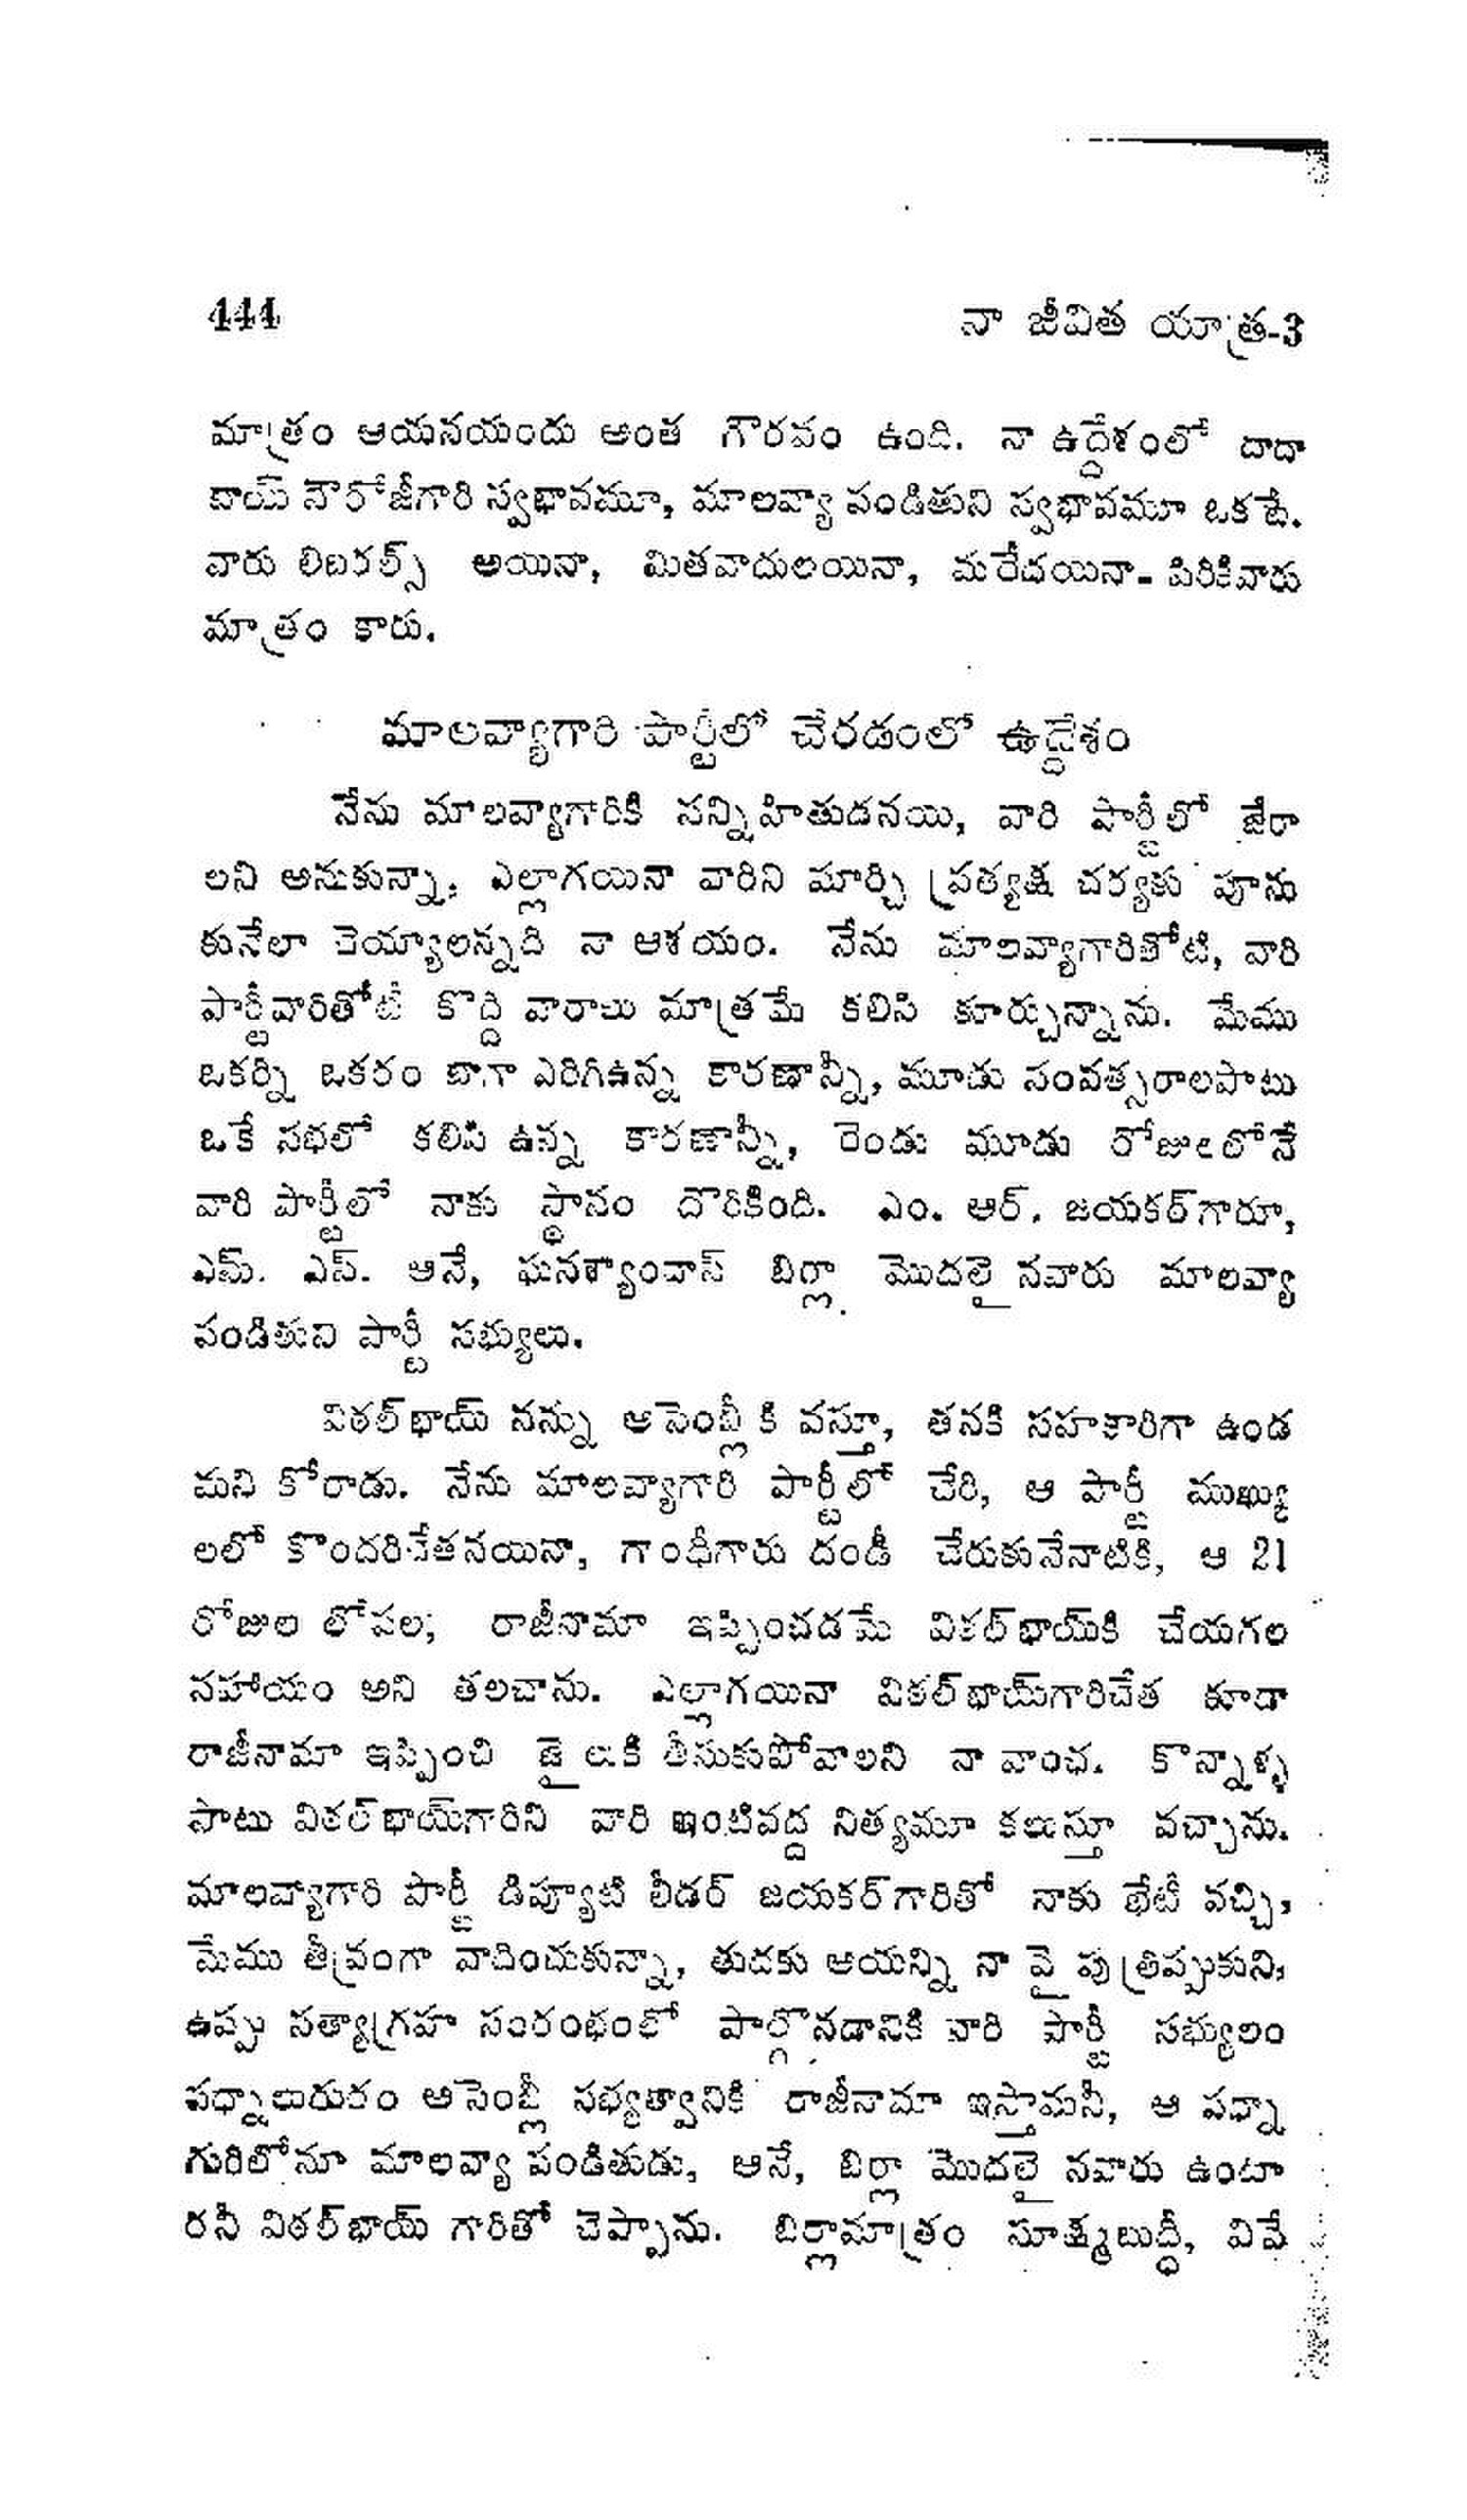మాత్రం ఆయనయందు అంత గౌరవం ఉంది. నా ఉద్దేశంలో దాదాబాయ్ నౌరోజీగారి స్వభావమూ, మాలవ్యా పండితుని స్వభావమూ ఒకటే. వారు లిబరల్స్ అయినా, మితవాదులయినా, మరేదయినా - పిరికివారు మాత్రం కారు.

నేను మాలవ్యాగారికి సన్నిహితుడనయి, వారి పార్టీలో జేరాలని అనుకున్నా, ఎల్లాగయినా వారిని మార్చి ప్రత్యక్ష చర్యకు పూనుకునేలా చెయ్యాలన్నది నా ఆశయం. నేను మాలవ్యాగారితోటి, వారి పార్టీవారితోటి కొద్ది వారాలు మాత్రమే కలిసి కూర్చున్నాను. మేము ఒకర్ని ఒకరం బాగా ఎరిగిఉన్న కారణాన్నీ, మూడు సంవత్సరాలపాటు ఒకే సభలో కలిసి ఉన్న కారణాన్నీ, రెండు మూడు రోజులలోనే వారి పార్టీలో నాకు స్థానం దొరికింది. ఎం. ఆర్. జయకర్‌గారూ, ఎమ్. ఎస్. అనే, ఘనశ్యాందాస్ బిర్లా మొదలైనవారు మాలవ్యా పండితుని పార్టీ సభ్యులు. 

విఠల్‌భాయ్ నన్ను అసెంబ్లీకి వస్తూ, తనకి సహకారిగా ఉండమని కోరాడు. నేను మాలవ్యాగారి పార్టీలో చేరి, అ పార్టీ ముఖ్యులలో కొందరిచేతనయినా, గాంధీగారు దండీ చేరుకునేనాటికి, ఆ 21 రోజుల లోపల, రాజీనామా ఇప్పించడమే విఠల్‌భాయ్‌కి చేయగల సహాయం అని తలచాను. ఎల్లాగయినా విఠల్‌భాయ్‌గారిచేత కూడా రాజీనామా ఇప్పించి జైలుకి తీసుకుపోవాలని నా వాంఛ. కొన్నాళ్ళపాటు విఠల్‌భాయ్‌గారిని వారి ఇంటివద్ద నిత్యమూ కలుస్తూ వచ్చాను. మాలవ్యాగారి పార్టీ డిప్యూటి లీడర్ జయకర్‌గారితో నాకు భేటీ వచ్చి, మేము తీవ్రంగా వాదించుకున్నా, తుదకు ఆయన్ని నా వైపు త్రిప్పుకుని, ఉప్పు సత్యాగ్రహ సంరంభంలో పాల్గొనడానికి వారి పార్టీ సభ్యులం పధ్నాలుగురం అసెంబ్లీ సభ్యత్వానికి రాజీనామా ఇస్తామనీ, అ పద్నాలుగురిలోనూ మాలవ్యా పండితుడు, అనే, బిర్లా మొదలైనవారు ఉంటారనీ విఠల్‌భాయ్ గారితో చెప్పాను. బిర్లామాత్రం సూక్ష్మబుద్ధీ, వివే